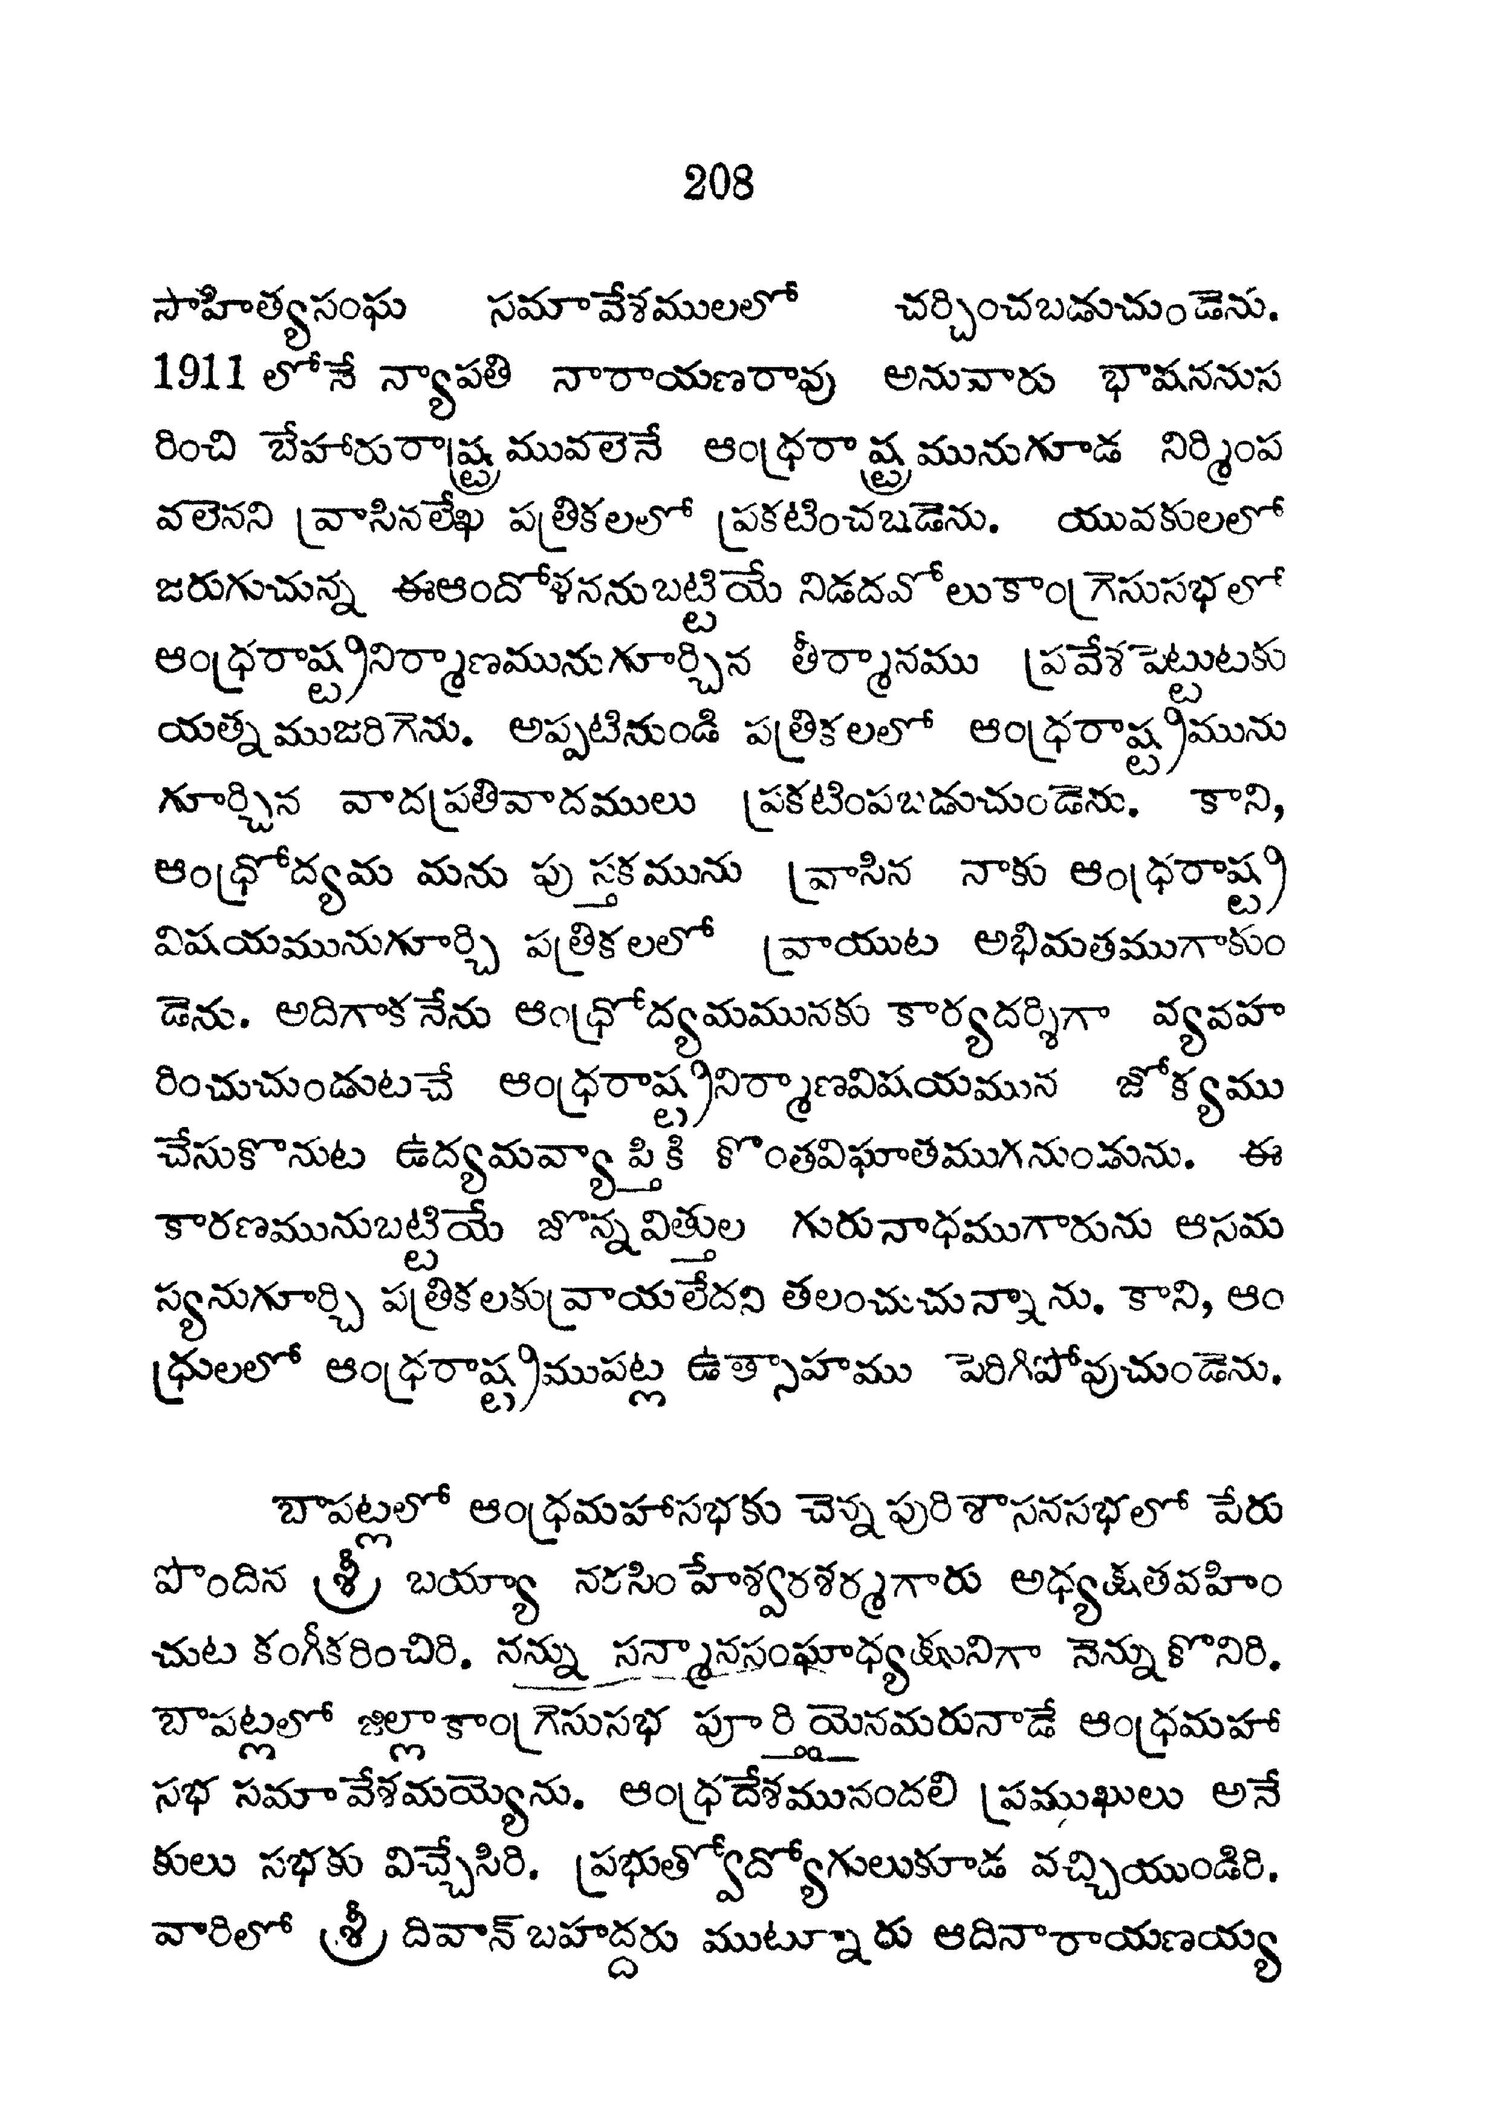సాహిత్యసంఘ సమావేశములలో చర్చించబడుచుండెను. 1911 లోనే న్యాపతి నారాయణరావు అనువారు భాషననుసరించి బేహారురాష్ట్రమువలెనే ఆంధ్రరాష్ట్రమునుగూడ నిర్మింపవలెనని వ్రాసినలేఖ పత్రికలలో ప్రకటించబడెను. యువకులలో జరుగుచున్న ఈఆందోళననుబట్టియే నిడదవోలుకాంగ్రెసుసభలో ఆంధ్రరాష్ట్రనిర్మాణమునుగూర్చిన తీర్మానము ప్రవేశపెట్టుటకు యత్నముజరిగెను. అప్పటినుండి పత్రికలలో ఆంధ్రరాష్ట్రమును గూర్చిన వాదప్రతివాదములు ప్రకటింపబడుచుండెను. కాని, ఆంధ్రోద్యమ మను పుస్తకమును వ్రాసిన నాకు ఆంధ్రరాష్ట్ర విషయమునుగూర్చి పత్రికలలో వ్రాయుట అభిమతముగాకుండెను. అదిగాకనేను ఆంధ్తోద్యమమునకు కార్యదర్శిగా వ్యవహరించుచుండుటచే ఆంధ్రరాష్ట్రనిర్మాణవిషయమున జోక్యముచేసుకొనుట ఉద్యమవ్యాప్తికి కొంతవిఘాతముగనుండును. ఈ కారణమునుబట్టియే జొన్నవిత్తుల గురునాధముగారును ఆసమస్యనుగూర్చి పత్రికలకువ్రాయలేదని తలంచుచున్నాను. కాని, ఆంధ్రులలో ఆంధ్రరాష్ట్రముపట్ల ఉత్సాహము పెరిగిపోవుచుండెను.

బాపట్లలో ఆంధ్రమహాసభకు చెన్నపురిశాసనసభలో పేరుపొందిన శ్రీ బయ్యా నరసింహేశ్వరశర్మగారు అధ్యక్షతవహించుట కంగీకరించిరి. నన్ను సన్మానసంఘాధ్యక్షునిగా నెన్నుకొనిరి. బాపట్లలో జిల్లాకాంగ్రెసుసభ పూర్తియైనమరునాడే ఆంధ్రమహాసభ సమావేశమయ్యెను. ఆంధ్రదేశమునందలి ప్రముఖులు అనేకులు సభకు విచ్చేసిరి. ప్రభుత్వోద్యోగులుకూడ వచ్చియుండిరి. వారిలో శ్రీ దివాన్‌బహద్దరు ముట్నూరు ఆదినారాయణయ్య